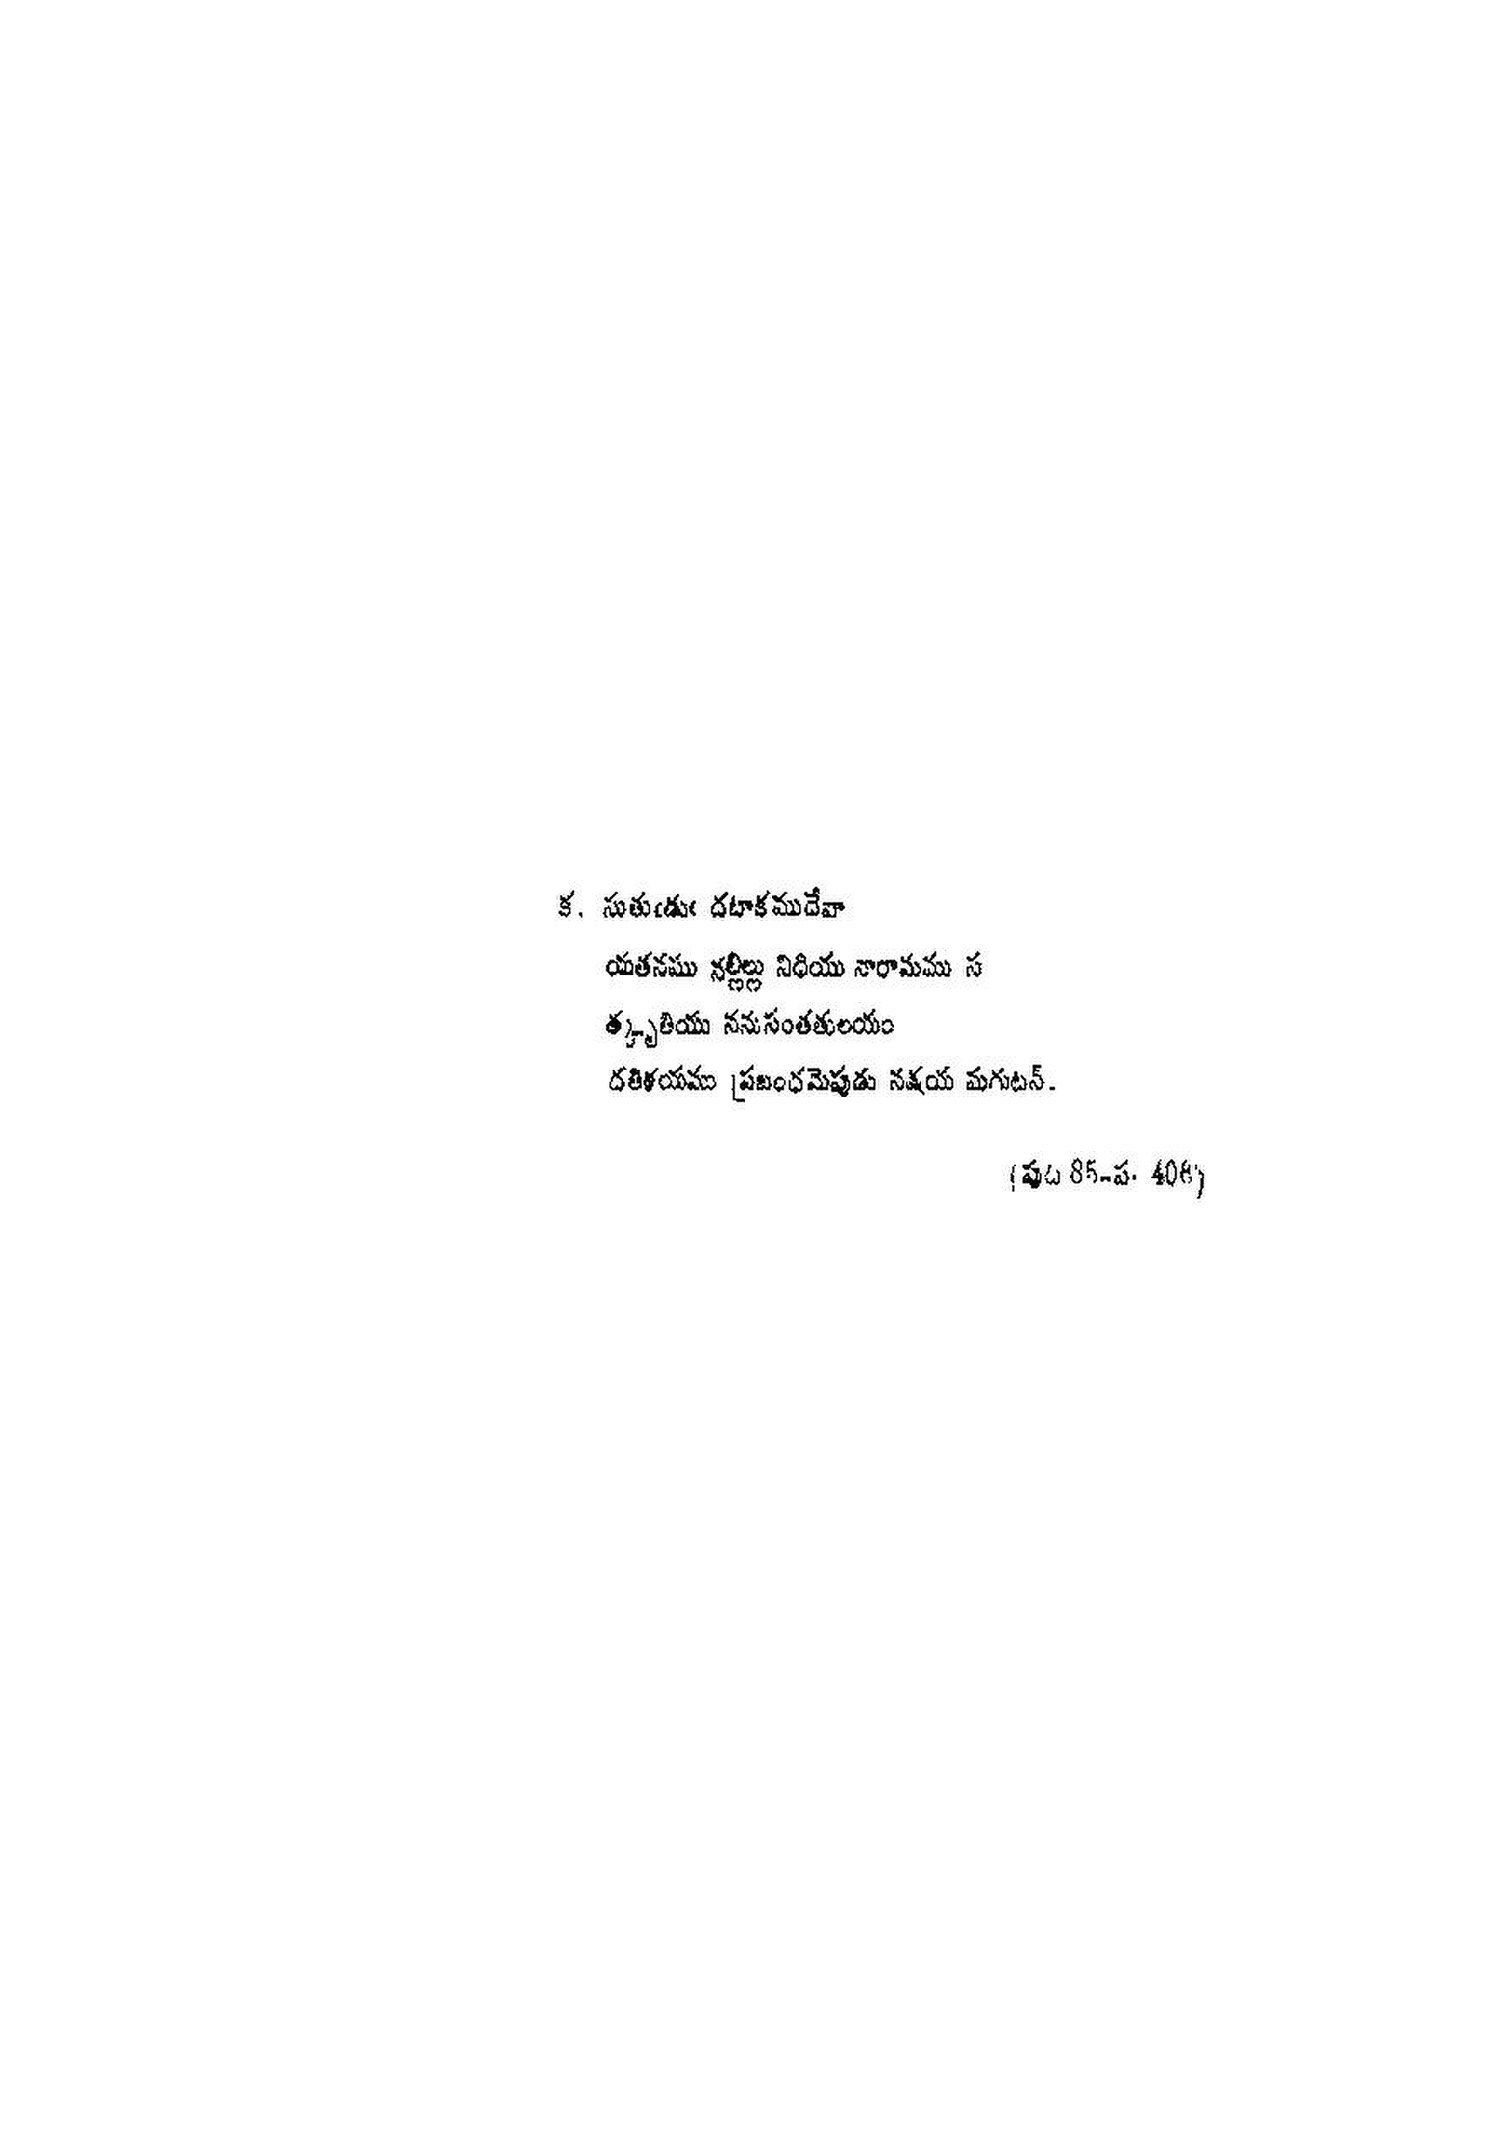క. సుతుఁడుఁ దటాకముదేవా
 యతనము నల్లిల్లు నిధియు నారామము స
 త్కృతియు ననుసంతతులయం
 దతిశయము ప్రబంధమెపుడు నక్షయ మగుటన్.
 [పుట 85 - ప. 406]